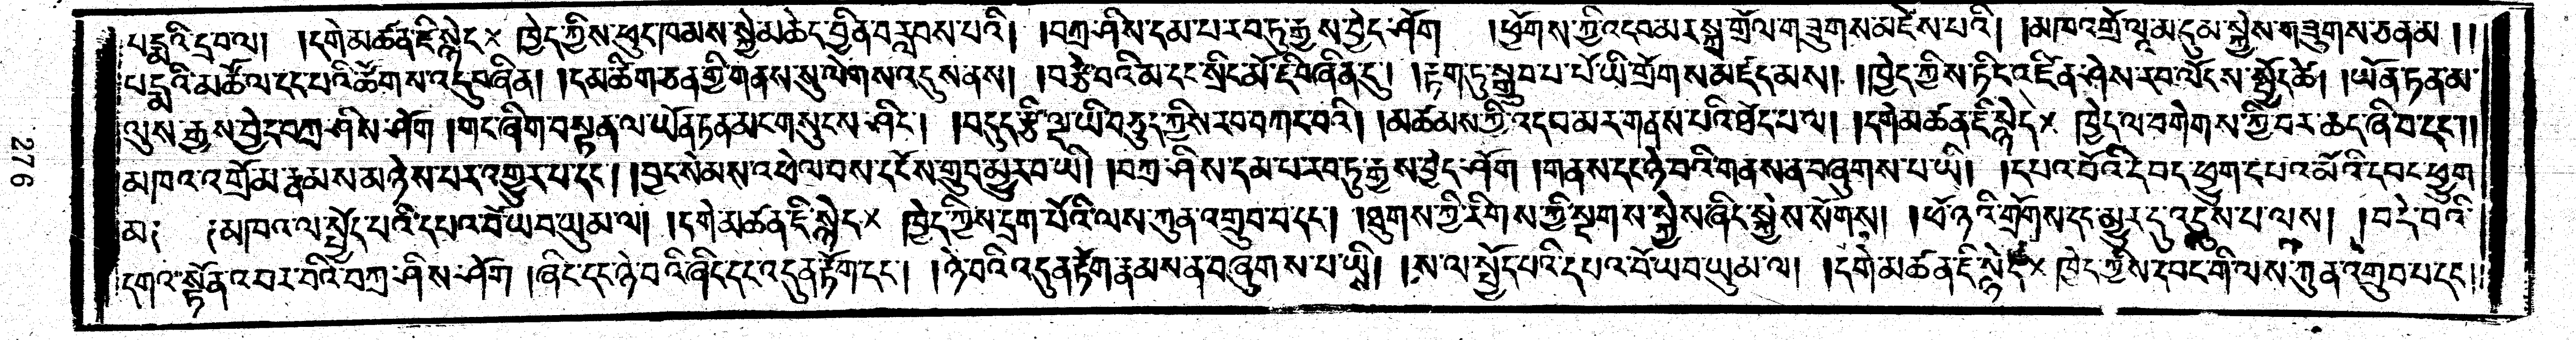པདམའི་དྲ་བ་ལ། །དགེ་མཚན་ཇི་སྙེད་྾་ཁྱེད་ཀྱིས་ཕུང་ཁམས་སྐྱེ་མཆེད་བྱིན་བརླབས་པའི། །བཀྲ་ཤིས་དམ་པ་རབ་ཏུ་རྒྱས་བྱེད་ཤོག །ཕྱོགས་ཀྱི་འདབ་མར་སྐྲ་གྲོལ་གཟུགས་མཛེས་པའི། །མཁའ་གྲོ་ལཱ་མ་དུམ་སྐྱེས་གཟུགས་ཅན་མ། །
པདམའི་མཚོ་ལ་དད་པའི་ཚོགས་འདུ་བཞིན། །དམ་ཚིག་ཅན་གྱི་གནས་སུ་ལེགས་འདུས་ནས། །བརྩེ་བའི་མ་དང་སྲིང་མོ་ཇི་བཞིན་དུ། །རྟག་ཏུ་སྒྲུབ་པ་པོ་ཡི་གྲོགས་མཛད་མས། །ཁྱེད་ཀྱིས་ཏིང་འཛིན་ཤེས་རབ་ལོངས་སྦྱོད་ཚེ། །ཡོན་ཏན་མ་
ལུས་རྒྱས་བྱེད་བཀྲ་ཤིས་ཤོག །གང་ཞིག་བསྟན་ལ་ཡོན་ཏན་མང་གསུངས་ཤིང་། །བདུད་རྩི་ལྔ་ཡི་བཅུད་ཀྱིས་རབ་བཀང་བའི། །མཚམས་ཀྱི་འདབ་མར་གནས་པའི་ཐོད་པ་ལ། །དགེ་མཚན་ཇི་སྙེད་྾་ཁྱེད་ལ་བགེགས་ཀྱི་བར་ཆད་ཞི་བ་དང།།
མཁའ་འགྲོ་མ་རྣམས་མཉེས་པར་འགྱུར་པ་དང་། །བྱང་སེམས་འཕེལ་བས་དངོས་གྲུབ་མྱུར་བ་ཡི། །བཀྲ་ཤིས་དམ་པ་རབ་ཏུ་རྒྱས་བྱེད་ཤོག །གནས་དང་ཉེ་བའི་གནས་ན་བཞུགས་པ་ཡི། །དཔའ་བོའི་དབང་ཕྱུག་དཔའ་མོའི་དབང་ཕྱུག་
མ༑ ༑མཁའ་ལ་སྤྱོད་པའི་དཔའ་བོ་ཡབ་ཡུམ་ལ། །དགེ་མཚན་ཇི་སྙེད་྾་ཁྱེད་ཀྱིས་དྲག་པོའི་ལས་ཀུན་འགྲུབ་བ་དང་། །ཐུགས་ཀྱི་རིགས་ཀྱི་སྔགས་སྐྱེས་ཞིང་སྐྱེས་སོགས། །ཕོ་ཉའི་གྲོགས་དང་མྱུར་དུ་འདུས་པ་ལས། །བདེ་བའི་
དགའ་སྟོན་འབར་བའི་བཀྲ་ཤིས་ཤོག །ཞིང་དང་ཉེ་བའི་ཞིང་དང་འདུན་རྟོག་དང་། །ཉེ་བའི་འདུན་རྟོག་རྣམས་ན་བཞུགས་པ་ཡིས། །ས་ལ་སྤྱོད་པའི་དཔའ་བོ་ཡབ་ཡུམ་ལ། །དགེ་མཚན་ཇི་སྙེད་྾་ཁྱེད་ཀྱིས་དབང་གི་ལས་ཀུན་འགྲུབ་པ་དང་།